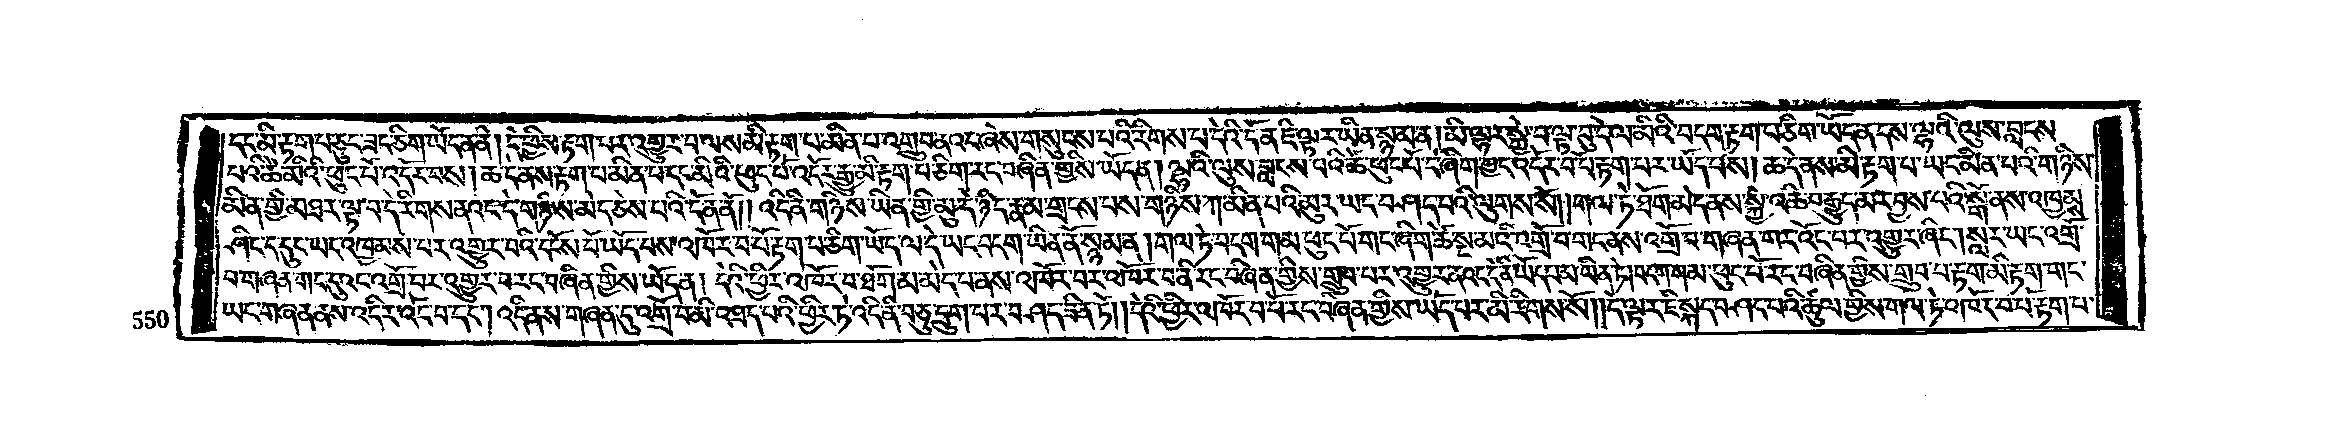དང་མི་རྟག་པ་ཅུང་ཟད་ཅིག་ཡོད་ན་ནི། དེ་ཕྱིས་རྟག་པར་འགྱུར་བ་ལས་མི་རྟག་པ་མིན་པ་འགྲུབ་ནའང་ཞེས་གསུངས་པའི་རིགས་པ་དེའི་དོན་ཇི་ལྟར་ཡིན་སྙམ་ན། མི་ལྷར་སྐྱེ་བ་ལྟ་བུ་དེ་ལ་མིའི་བདག་རྟག་པ་ཅིག་ཡོད་ན་དེས་ལྷའི་ལུས་བླངས་
པའི་ཚེ་མིའི་ཕུང་པོ་འདོར་བས། ཆ་དེ་ནས་རྟག་པ་མིན་པ་དང་མིའི་ཕུང་པོ་འདོར་རྒྱུ་མི་རྟག་པ་ཅིག་རང་བཞི་གཉིས་ཡོད་ན། ལྷའི་ལུས་བླངས་པའི་ཚེ་ཕུང་པོ་དེ་ཞིག་ཀྱང་འདོར་བ་པོ་རྟག་པར་ཡོད་པས། ཆ་དེ་ནས་མི་རྟག་པ་ཡང་མིན་པའི་གཉིས་
མིན་གྱི་མཐར་ལྟ་བ་དེ་རིགས་ནའང་དེ་གཉིས་མེད་ཅེས་པའི་དོན་ནོ། །འདི་ནི་གཉིས་ཡིན་གྱི་མུ་དེ་ཉིད་རྣམ་གྲངས་པས་གཉིས་ཀ་མིན་པའི་མུར་ཡང་བཤད་པའི་ལུགས་སོ། །གལ་ཏེ་ཐོག་མེད་ནས་སྐྱེ་འཆི་བརྒྱུད་མས་བྱས་པའི་སྒོ་ནས་འཁྱམས་
ཤིང་དུ་ཡང་འཁྱམས་པར་འགྱུར་བའི་དངོས་པོ་ཡོད་པས་འཁོར་བ་པོ་རྟག་པ་ཅིག་ཡོད་ལ་དེ་ཡང་བདག་ཡིན་ནོ་སྙམ་ན། གལ་ཏེ་བདག་གམ་ཕུང་པོ་གང་ཞིག་ཚེ་སྔ་མའི་འགྲོ་བ་གང་ནས་འགྲོ་བ་གཞན་གར་འོང་བར་འགྱུར་ཞིང་། སླར་ཡང་འགྲོ་
བ་གཞན་གང་དུའང་འགྲོ་བར་འགྱུར་བ་རང་བཞི་གཉིས་ཡོད་ན། དེའི་ཕྱིར་འཁོར་བ་ཐོག་མ་མེད་པ་ནས་འཁོར་བར་འཁོར་བ་ནི་རང་བཞིན་གྱིས་གྲུབ་པར་འགྱུར་ནའང་དེ་ནི་ཡོད་པ་མ་ཡིན་ཏེ། བདག་གམ་ཕུང་པོ་རང་བཞིན་གྱིས་གྲུབ་པ་རྟག་མི་རྟག་གང་
ཡང་གཞན་ནས་འདིར་འོང་བ་དང་། འདི་ནས་གཞན་དུ་འགྲོ་བ་མི་འཐད་པའི་ཕྱིར་ཏེ་འདི་ནི་བཅུ་དྲུག་པར་བཤད་ཟིན་ཏོ། །དེའི་ཕྱིར་འཁོར་བ་པོ་རང་བཞིན་གྱིས་ཡོད་པར་མི་རིགས་སོ། །དེ་ལྟར་ཇི་སྐད་བཤད་པའི་ཚུལ་གྱིས་གལ་ཏེ་འཁོར་བ་པོ་རྟག་པ་